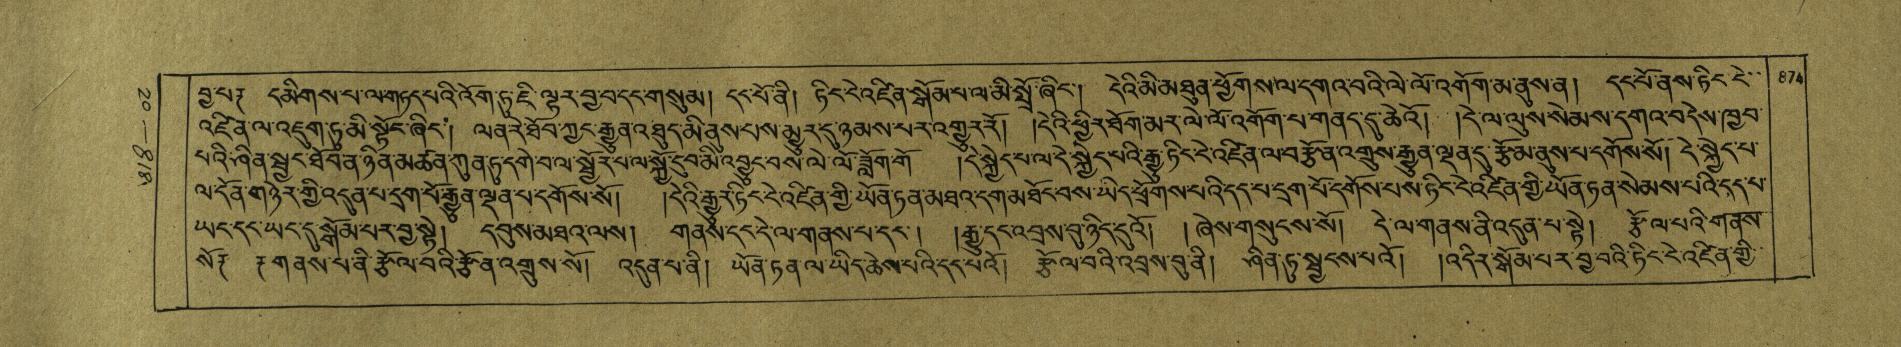བྱ་པ༑ དམིགས་པ་ལ་གཏད་པའི་འོག་ཏུ་ཇི་ལྟར་བྱ་བ་དང་གསུམ། དང་པོ་ནི། ཏིང་ངེ་འཛིན་སྒོམ་པ་ལ་མི་སྤྲོ་ཞིང་། དེའི་མི་མཐུན་ཕྱོགས་ལ་དགའ་བའི་ལེ་ལོ་འགོག་མ་ནུས་ན། དང་པོ་ནས་ཏིང་ངེ་
འཛིན་ལ་འཇུག་ཏུ་མི་སྟོང་ཞིང་། ལན་རེ་ཐོབ་ཀྱང་རྒྱུན་འཐུད་མི་ནུས་པས་མྱུར་དུ་ཉམས་པར་འགྱུར་རོ། །དེའི་ཕྱིར་ཐོག་མར་ལེ་ལོ་འགོག་པ་གནད་དུ་ཆེའོ། །དེ་ལ་ལུས་སེམས་དགའ་བདེས་ཁྱབ་
པའི་ཤིན་སྦྱང་ཐོབ་ན་ཉིན་མཚན་ཀུན་ཏུ་དགེ་བ་ལ་སྦྱོར་པ་ལ་སྐྱོ་དུབ་མི་འབྱུང་བས་ལེ་ལོ་ཟློག་གོ །དེ་སྐྱེད་པ་ལ་དེ་སྐྱེད་པའི་རྒྱུ་ཏིང་ངེ་འཛིན་ལ་བརྩོན་འགྲུས་རྒྱུན་ལྡན་དུ་རྩོམ་ནུས་པ་དགོས་སོ། དེ་སྐྱེད་པ་
ལ་དོན་གཉེར་གྱི་འདུན་པ་དྲག་པོ་རྒྱུན་ལྡན་པ་དགོས་སོ། །དེའི་རྒྱུར་ཏིང་ངེ་འཛིན་གྱི་ཡོན་ཏན་མཐའ་དག་མཐོང་བས་ཡིད་ཕྲོགས་པའི་དད་པ་དྲུག་པོ་དགོས་པས་ཏིང་ངེ་འཛིན་གྱི་ཡོན་ཏན་སེམས་པའི་དད་པ་
ཡང་དང་ཡང་དུ་སྒོམ་པར་བྱ་སྟེ། དབུས་མཐའ་ལས། གནས་དང་དེ་ལ་གནས་པ་དང་། །རྒྱུ་དང་འབྲས་བུ་ཉིད་དུའོ། །ཞེས་གསུངས་སོ། དེ་ལ་གནས་ནི་འདུན་པ་སྟེ། རྩོལ་པའི་གནས་
སོ༑ ༑གནས་པ་ནི་རྩོལ་བའི་རྩོན་འགྲུས་སོ། འདུན་པ་ནི། ཡོན་ཏན་ལ་ཡིད་ཆེས་པའི་དད་པའོ། རྩོལ་བའི་འབྲས་བུ་ནི། ཤིན་ཏུ་སྦྱངས་པའོ། །འདིར་སྒོམ་པར་བྱ་བའི་ཏིང་ངེས་འཛིན་གྱི་